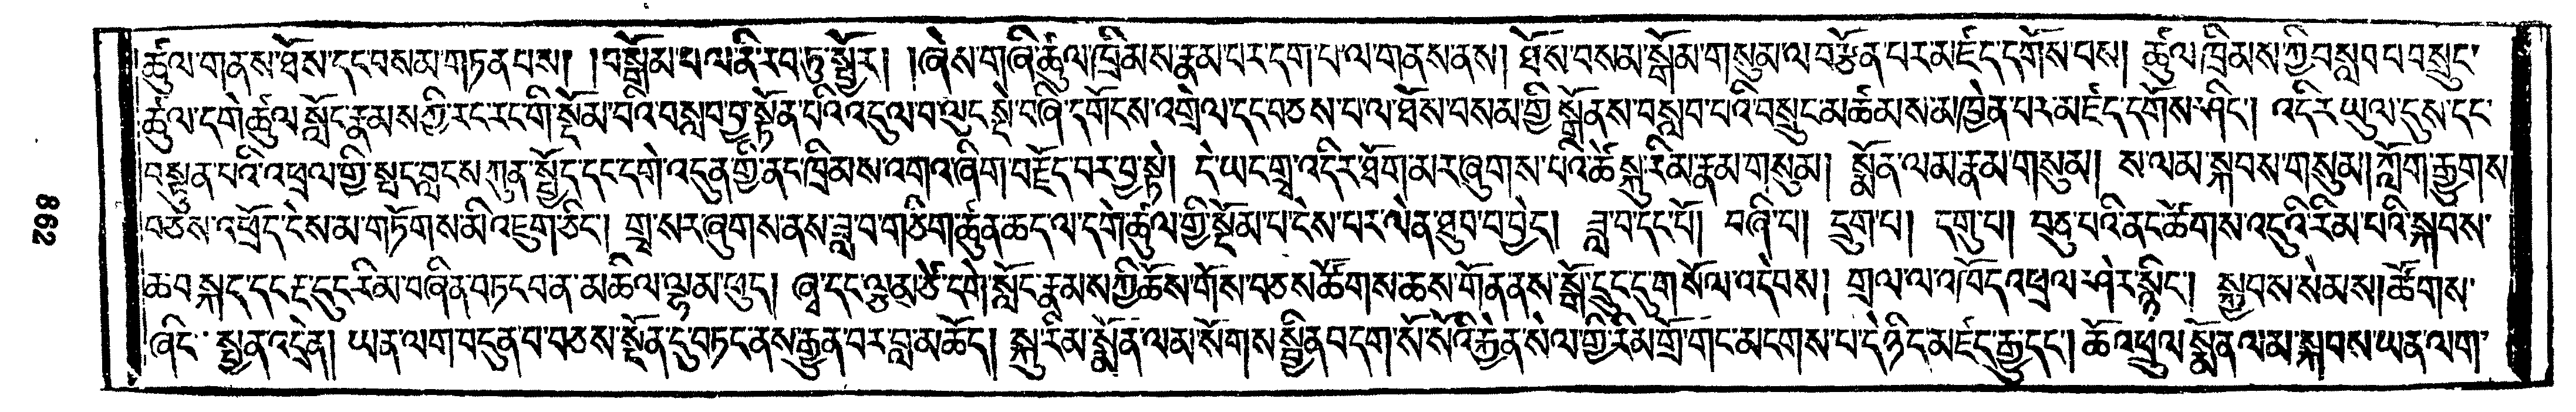ཚུལ་གནས་ཐོས་དང་བསམ་གཏན་པས། །བསྒོམ་པ་ལ་ནི་རབ་ཏུ་སྦྱོར། །ཞེས་གཞི་ཚུལ་ཁྲིམས་རྣམ་པར་དག་པ་ལ་གནས་ནས། ཐོས་བསམ་སྒོམ་གསུམ་ལ་བརྩོན་པར་མཛད་དགོས་པས། ཚུལ་ཁྲིམས་ཀྱི་བསླབ་པ་བསྲུང་
ཚུལ་དགེ་ཚུལ་སློང་རྣམས་ཀྱི་རང་རང་གི་སྡོམ་པའི་བསླབ་བྱ་སྟོན་པའི་འདུལ་བ་ལུང་སྡེ་བཞི་དགོངས་འགྲེལ་དང་བཅས་པ་ལ་ཐོས་བསམ་གྱི་སྒོ་ནས་བསླབ་པའི་བསྲུང་མཚམས་མཁྱེན་པར་མཛད་དགོས་ཤིང་། འདིར་ཡུལ་དུས་དང་
བསྟུན་པའི་འཕྲལ་གྱི་སྤང་བླངས་ཀུན་སྤྱོད་དང་དགེ་འདུན་གྱི་ནང་ཁྲིམས་འགའ་ཞིག་བརྗོད་པར་བྱ་སྟེ། དེ་ཡང་གྲྭ་འདིར་ཐོག་མར་ཞུགས་པའི་ཚེ་སྐུ་རིམ་རྣམ་གསུམ། སྨོན་ལམ་རྣམ་གསུམ། ས་ལམ་སྐབས་གསུམ། ཀློག་རྒྱུགས་
བཅས་འཕྲོད་ངེས་མ་གཏོགས་མི་འཇུག་ཅིང་། གྲྭ་སར་ཞུགས་ནས་ཟླ་བ་གཅིག་ཚུན་ཆད་ལ་དགེ་ཚུལ་གྱི་སྔོམ་པ་ངེས་པར་ལེན་ཐུབ་པ་བྱེད། ཟླ་བ་དང་པོ། བཞི་པ། དྲུག་པ། དགུ་པ། བཅུ་པའི་ནང་ཚོགས་འདུའི་རིམ་པའི་སྐབས་
ཆབ་སྐད་དང་རྔ་དུང་རིམ་བཞིན་བཏང་བ་ན་མཆིལ་ལྷམ་ཕུད། ཞྭ་དང་ལྕམ་ཙེ་དགེ་སློང་རྣམས་ཀྱི་ཆོས་གོས་བཅས་ཚོགས་ཆས་གོན་ནས་སྒོ་དྲུང་དུ་གསོལ་འདེབས། གྲལ་ལ་འཁོད་འཕྲལ་ཤེར་སྙིང་། སྐྱབས་སེམས། ཚོགས་
ཞིང་སྤྱན་འདྲེན། ཡན་ལག་བདུན་པ་བཅས་སྔོན་དུ་བཏང་ནས་རྒྱུན་པར་བླ་མཆོད། སྐུ་རིམ་སྨོན་ལམ་སོགས་སྤྱིན་བདག་སོ་སོའི་རྐྱེན་སེལ་གྱི་རིམ་གྲོ་གང་མངགས་པ་དེ་ཉིད་མཛད་རྒྱུ་དང་། ཆོ་འཕྲུལ་སྨོན་ལམ་སྐབས་ཡན་ལག་